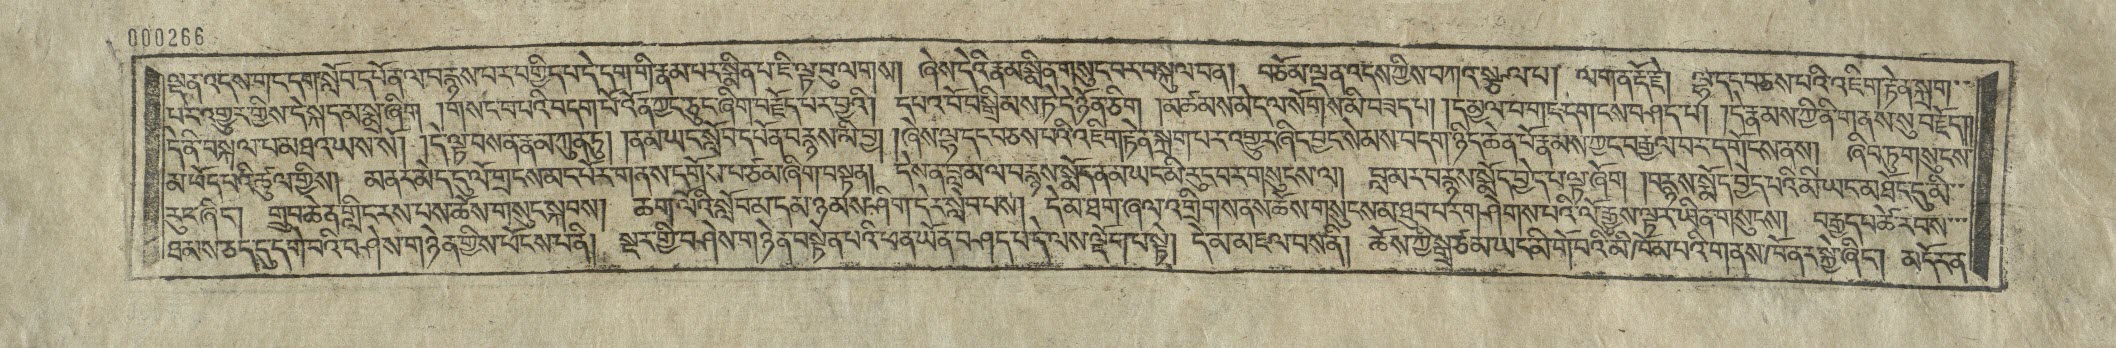ལྡན་འདས་གང་དག་སློབ་དཔོན་ལ་བརྙས་པར་བགྱིད་པ་དེ་དག་གི་རྣམ་པར་སྨིན་པ་ཇི་ལྟ་བུ་ལགས། ཞེས་དེའི་རྣམ་སྨིན་གསུང་བར་བསྐུལ་བ་ན། བཅོམ་ལྡན་འདས་ཀྱིས་བཀའ་སྩལ་པ། ལག་ན་རྡོ་རྗེ། ལྷ་དང་བཅས་པའི་འཇིག་རྟེན་སྐྲག་
པར་འགྱུར་གྱིས་དེ་སྐད་མ་སྨྲ་ཞིག་གསང་བ་པའི་བདག་པོ་འོན་ཀྱང་ཅུང་ཞིག་བརྗོད་པར་བྱའི། དཔའ་བོ་བསྒྲིམས་ཏེ་དེ་ཉོན་ཅིག །མཚམས་མེད་ལ་སོགས་མི་བཟད་པ། །དམྱལ་བ་གང་དག་ངས་བཤད་པ། །དེ་རྣམས་ཀྱི་ནི་གནས་སུ་བརྗོད། །
དེ་ནི་བསྐལ་པ་མཐའ་ཡས་སོ། །དེ་ལྟ་བས་ན་རྣམ་ཀུན་ཏུ། །ནམ་ཡང་སློབ་དཔོན་བརྙས་མི་བྱ། །ཞེས་ལྷ་དང་བཅས་པའི་འཇིག་རྟེན་སྐྲག་པར་འགྱུར་ཞིང་བྱང་སེམས་བདག་ཉིད་ཆེན་པོ་རྣམས་ཀྱང་བརྒྱལ་བར་དགོངས་ནས། ཞིབ་ཏུ་གསུངས་
མ་ཕོད་པའི་ཚུལ་གྱིས། མནར་མེད་དུ་ལོ་གྲངས་མང་པོར་གནས་དགོས་པ་ཙམ་ཞིག་བསྟན། དེས་ན་བླ་མ་ལ་བརྙས་སྨོད་ནམ་ཡང་མི་རུང་བར་གསུངས་ལ། བླ་མར་བརྙས་སྨོད་བྱེད་པ་ལྟ་ཞོག །བརྙས་སྨོད་བྱེད་པའི་མི་ཡང་མཐོང་དུ་མི་
རུང་ཞིང་། གྲུབ་ཆེན་གླིང་རས་པས་ཆོས་གསུང་སྐབས། ཆག་ལོའི་སློབ་མ་དམ་ཉམས་ཤིག་དེར་སླེབ་པས། དེ་མ་ཐག་ཞལ་འགྲིགས་ནས་ཆོས་གསུངས་མ་ཐུབ་པར་གཤེགས་པའི་ལོ་རྒྱུས་ལྟར་ཡིན་གསུངས། བརྒྱད་པ་ཚེ་རབས་
ཐམས་ཅད་དུ་དགེ་བའི་བཤེས་གཉེན་གྱིས་ཕོངས་པ་ནི། སྔར་གྱི་བཤེས་གཉེན་བསྟེན་པའི་ཕན་ཡོན་བཤད་པ་དེ་ལས་ལྡོག་པ་སྟེ། དེ་མ་མཇལ་བས་ནི། ཆོས་ཀྱི་སྒྲ་ཙམ་ཡང་མི་གོ་བའི་མི་ཁོམ་པའི་གནས་ཁོ་ནར་སྐྱེ་ཞིང་། མདོར་ན་